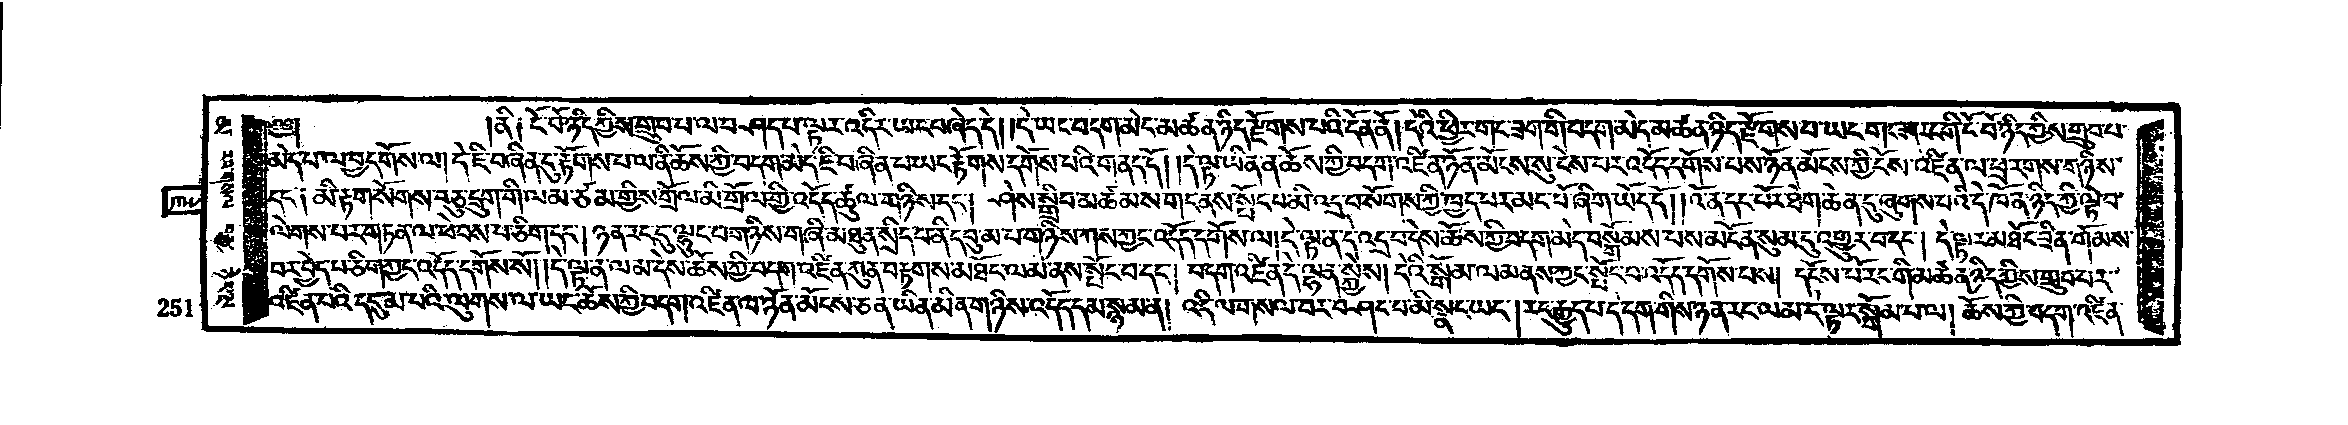༄༅། །ནི། ངོ་བོ་ཉིད་ཀྱིས་གྲུབ་པ་ལ་བཤད་པ་ལྟར་འདིར་ཡང་བཞེད་དེ། །དེ་ཡང་བདག་མེད་མཚན་ཉིད་རྫོགས་པའི་དོན་ནོ། དེའི་ཕྱིར་གང་ཟག་གི་བདག་མེད་མཚན་ཉིད་རྫོགས་པ་ཡང་གང་ཟག་རང་གི་ངོ་བོ་ཉིད་ཀྱིས་གྲུབ་པ་
མེད་པ་ལ་བྱ་དགོས་ལ། དེ་ཇི་བཞིན་དུ་རྟོགས་པ་ལ་ནི་ཆོས་ཀྱི་བདག་མེད་ཇི་བཞིན་པ་ཡང་རྟོགས་དགོས་པའི་གནད་དོ། །དེ་ལྟ་ཡིན་ན་ཆོས་ཀྱི་བདག་འཛིན་ཉོན་མོངས་སུ་ངེས་པར་འདོད་དགོས་པས་ཉོན་མོངས་ཀྱི་ངོས་འཛིན་ལ་ཕྲ་རགས་གཉིས་
དང་། མི་རྟག་སོགས་བཅུ་དྲུག་གི་ལམ་ཙམ་གྱིས་གྲོལ་མི་གྲོལ་གྱི་འདོད་ཚུལ་གཉིས་དང་། ཤེས་སྒྲིབ་མཚམས་གང་ནས་སྤོང་བ་མི་འདྲ་བ་སོགས་ཀྱི་ཁྱད་པར་མང་པོ་ཞིག་ཡོད་དོ། །འོ་ན་དང་པོར་ཐེག་ཆེན་དུ་ཞུགས་པའི་དེ་ཁོ་ན་ཉིད་ཀྱི་ལྟ་བ་
ལེགས་པར་གཏན་ལ་ཕེབས་པ་ཞིག་དང་། ཉན་རང་དུ་ལྷུང་པ་གཉིས་གཞི་མཐུན་སྲིད་པ་ནི་དབུ་མ་པ་གཉིས་ཀས་ཀྱང་འདོད་དགོས་ལ། དེ་ལྟ་ན་དེ་འདྲ་བ་དེས་ཆོས་ཀྱི་བདག་མེད་བསྒོམས་པས་མངོན་སུམ་དུ་འགྱུར་བ་དང་། དེ་ལྟར་མཐོང་ཟིན་གོམས་
བར་བྱེད་པ་ཞིག་ཀྱང་འདོད་དགོས་སོ། །དེ་ལྟ་ན་ལམ་དེས་ཆོས་ཀྱི་བདག་འཛིན་ཀུན་བརྟགས་མཐོང་ལམ་ནས་སྤོང་བ་དང་། བདག་འཛིན་དེ་ལྷན་སྐྱེས། དེའི་སྒོམ་ལམ་ནས་ཀྱང་སྤོང་བ་འདོད་དགོས་པས། དངོས་པོ་རང་གི་མཚན་ཉིད་ཀྱིས་གྲུབ་པར་
འཛིན་པའི་དབུ་མ་པའི་ལུགས་ལ་ཡང་ཆོས་ཀྱི་བདག་འཛིན་ལ་ཉོན་མོངས་ཅན་ཡིན་མིན་གཉིས་འདོད་དམ་སྙམ་ན། འདི་ལ་གསལ་བར་བཤད་པ་མི་སྣང་ཡང་། རང་རྒྱུད་པ་དེ་དག་གིས་ཉན་རང་ལམ་དེ་ལྟར་སྒོམ་པ་ལ། ཆོས་ཀྱི་བདག་འཛིན་